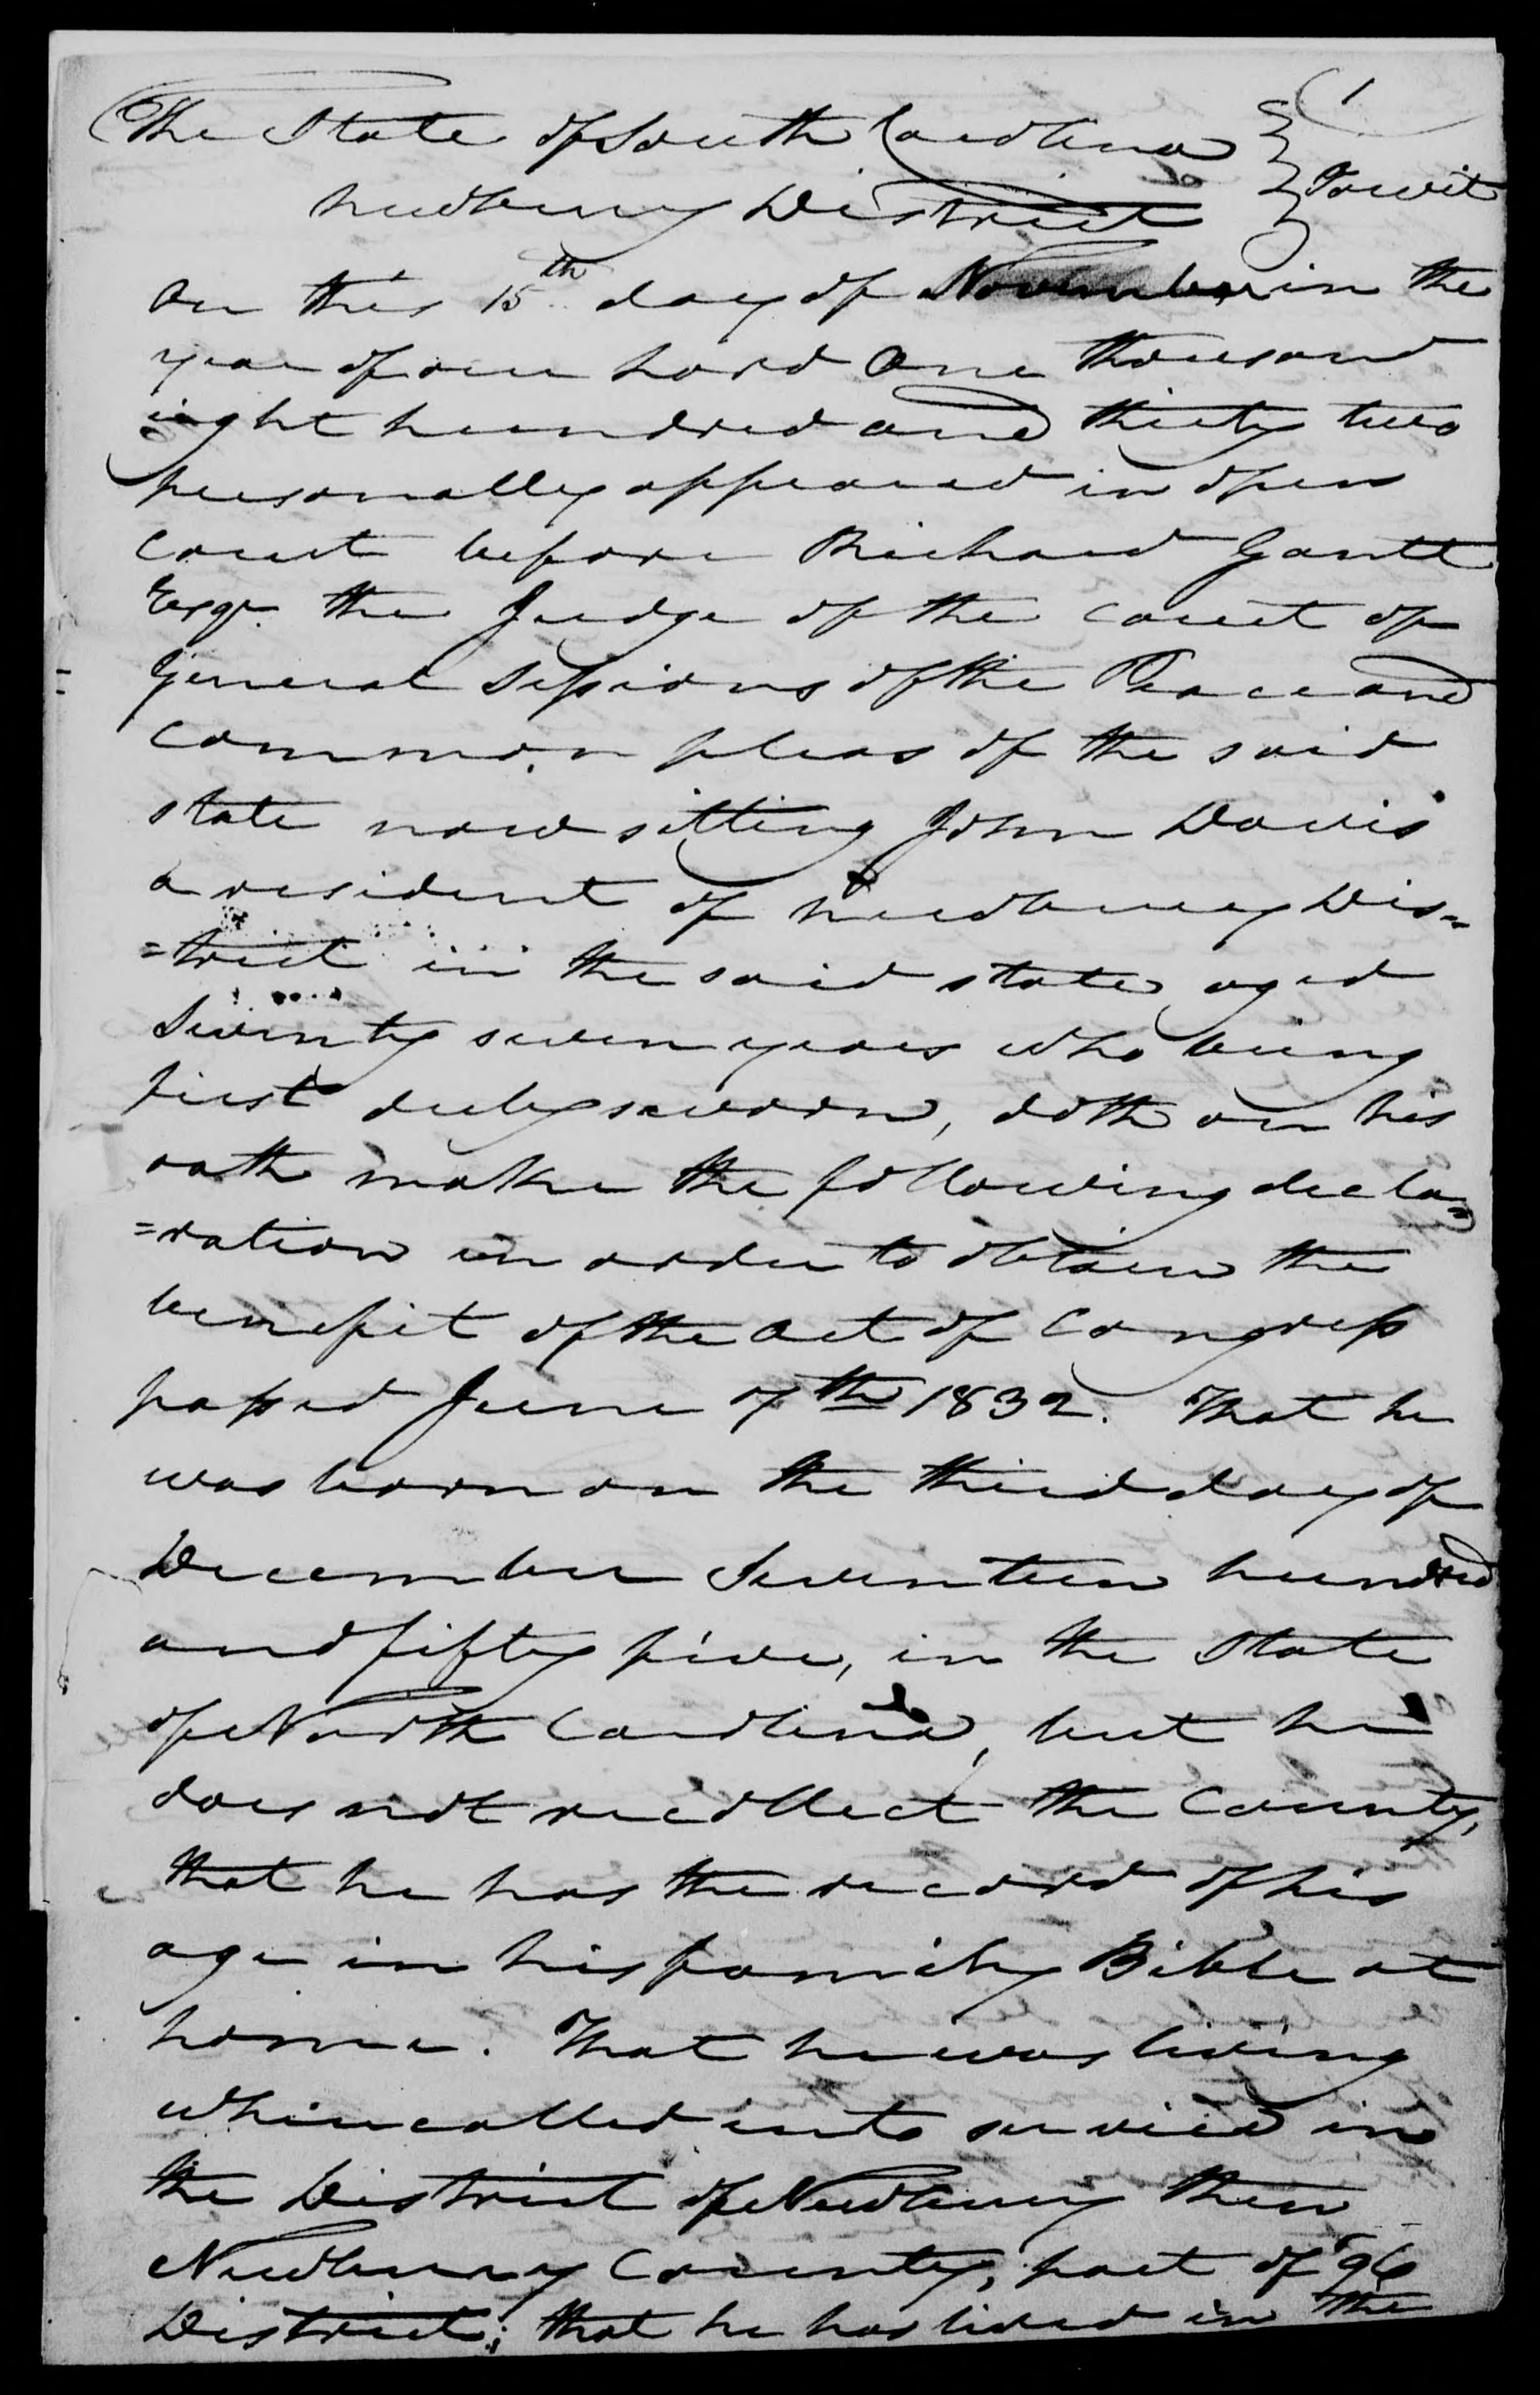The State of South Carolina
Newberry District } To wit
on this 15th day of November in the year of our Lord one thousand eight hundred and thirty two personally appeared in open court before Richard Gantt Esqr the Judge of the court of general sessions of the Peace and common pleas of the said state now sitting John Davis a resident of Newberry district in the said state aged seventy seven years who being first duly sworn doth on his oath make the following declaration in order to obtain the benefit of the act of Congress passed June 7th 1832 That he was born on the third day of December seventeen hundred and fifty five in the state of North Carolina but he does not recollect the county that he has the record of his age in his family Bible at home That he was living when called into service in the district of Newberry then Newberry county part of 96 District that he has lived in the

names: Richard Garett, John Davis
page: 3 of 13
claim: survivor's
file: S. 21,725, John Davis, S.C.